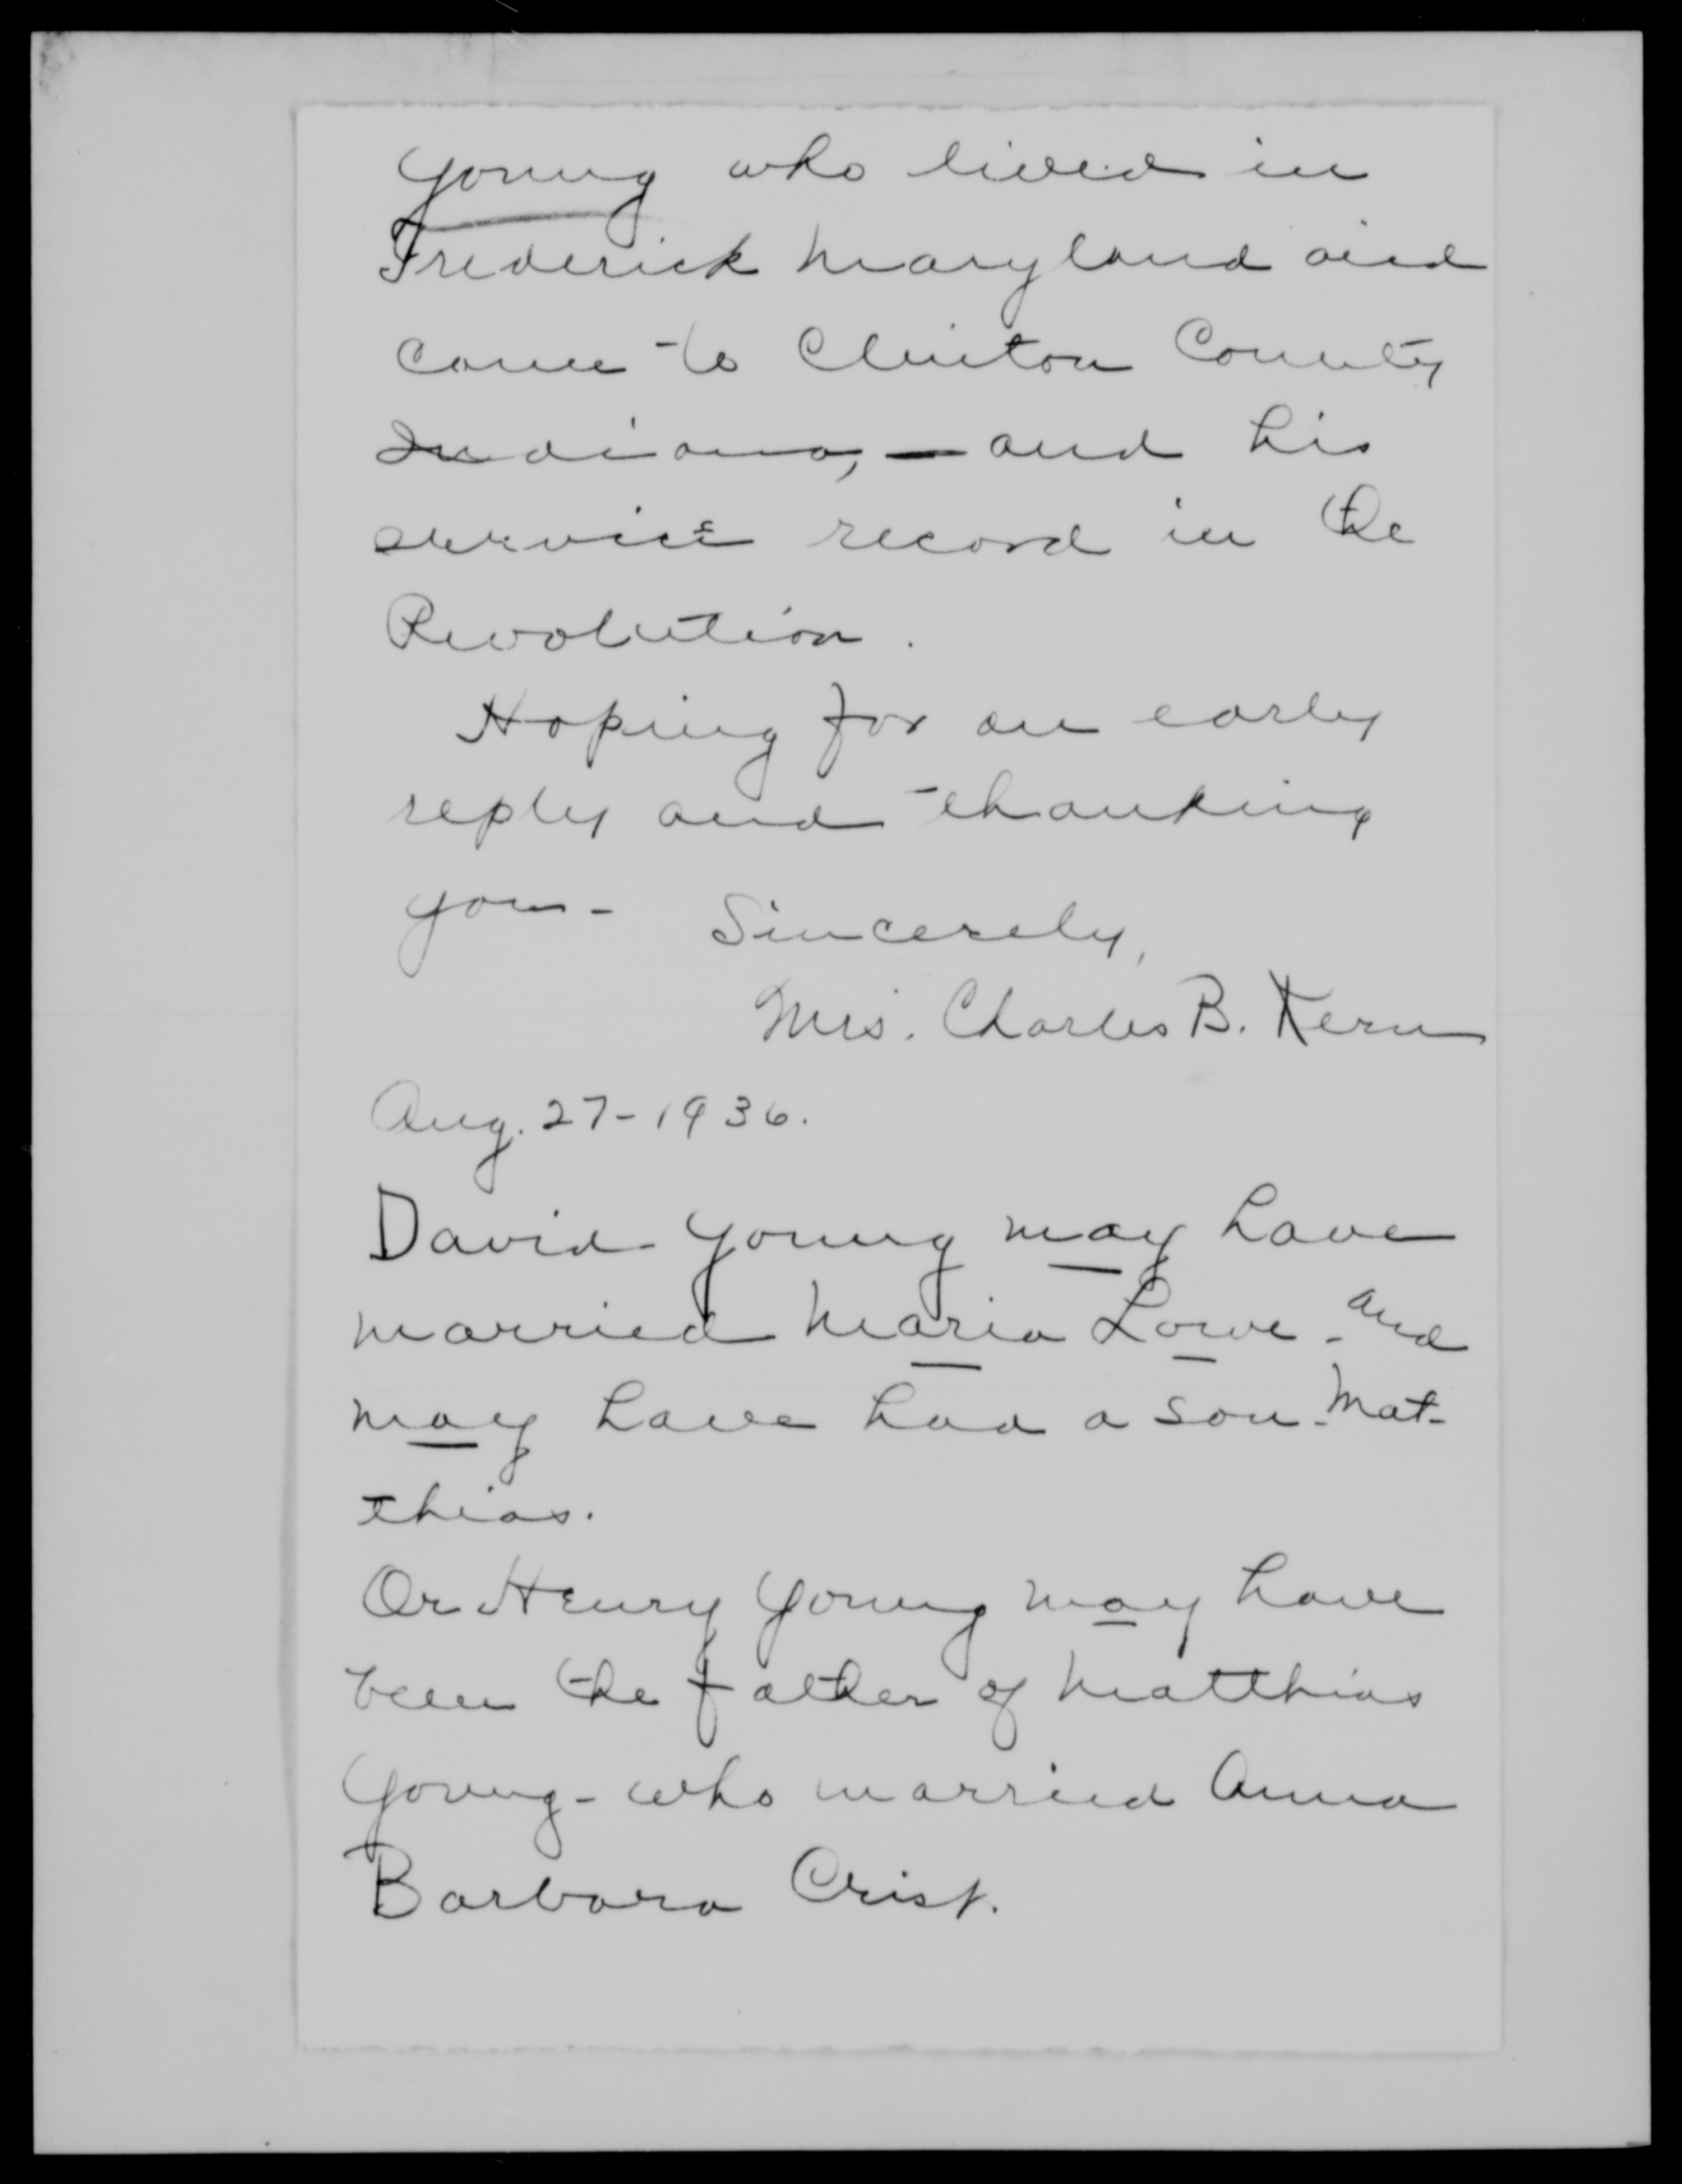Young who lived in
Frederick Maryland and
come to Clinton County
Indiana - , and his
service record in the
Revolution.
Hoping for an early
reply and thanking you-
Sincerely
Mrs. Charles B. Kern

Aug. 27, 1936

David Young may have married
Maria Lowe and may have had a 
son Matthias

Or Henry Young may have
been the father of Matthias
Young, who married Anna
Barbara Crist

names: Matthias, Young, David Young, Anna Barbara Crist, Henry Young, Charles B Kern, Maria Lowe, Matthias Young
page: 69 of 123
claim: rejected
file: R. 11,949, Matthias Young, Md.